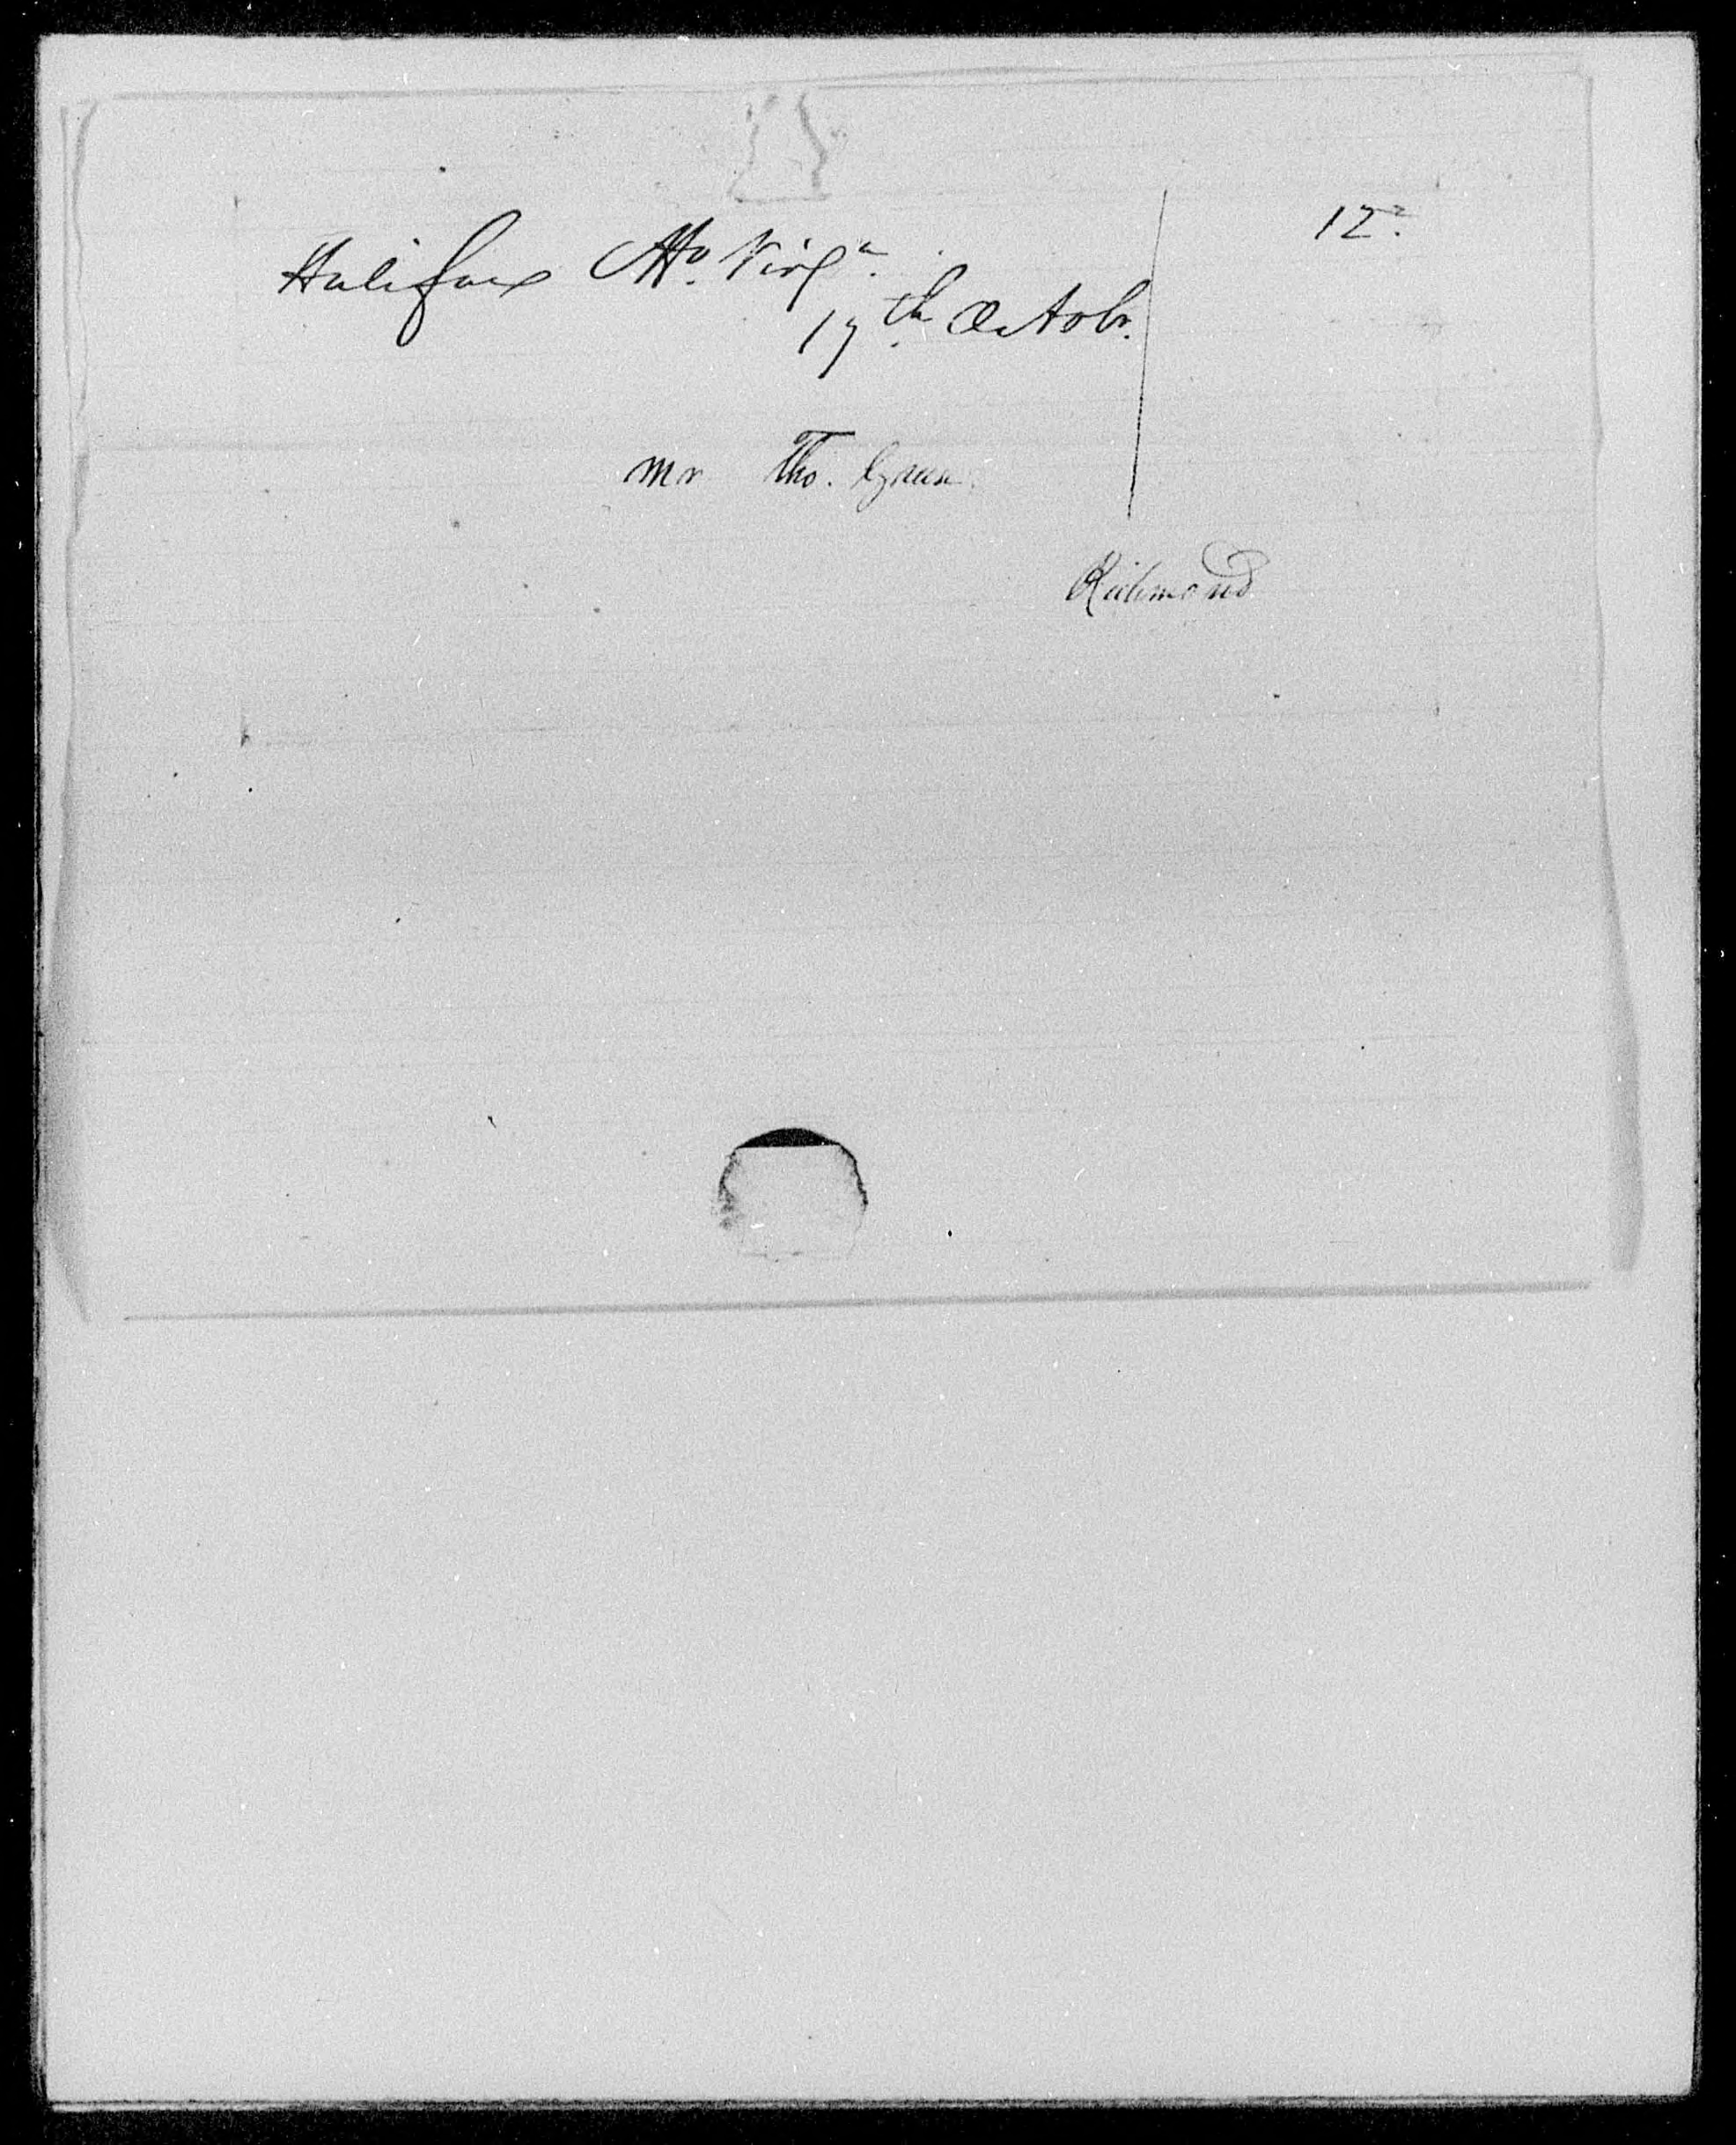12.
Halifax C Ho. Virga.
17th. Octob.
Mr Tho. Green
Richmond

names: Tho Green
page: 34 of 54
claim: widow's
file: W. 3794, Nathan Formby, Va.